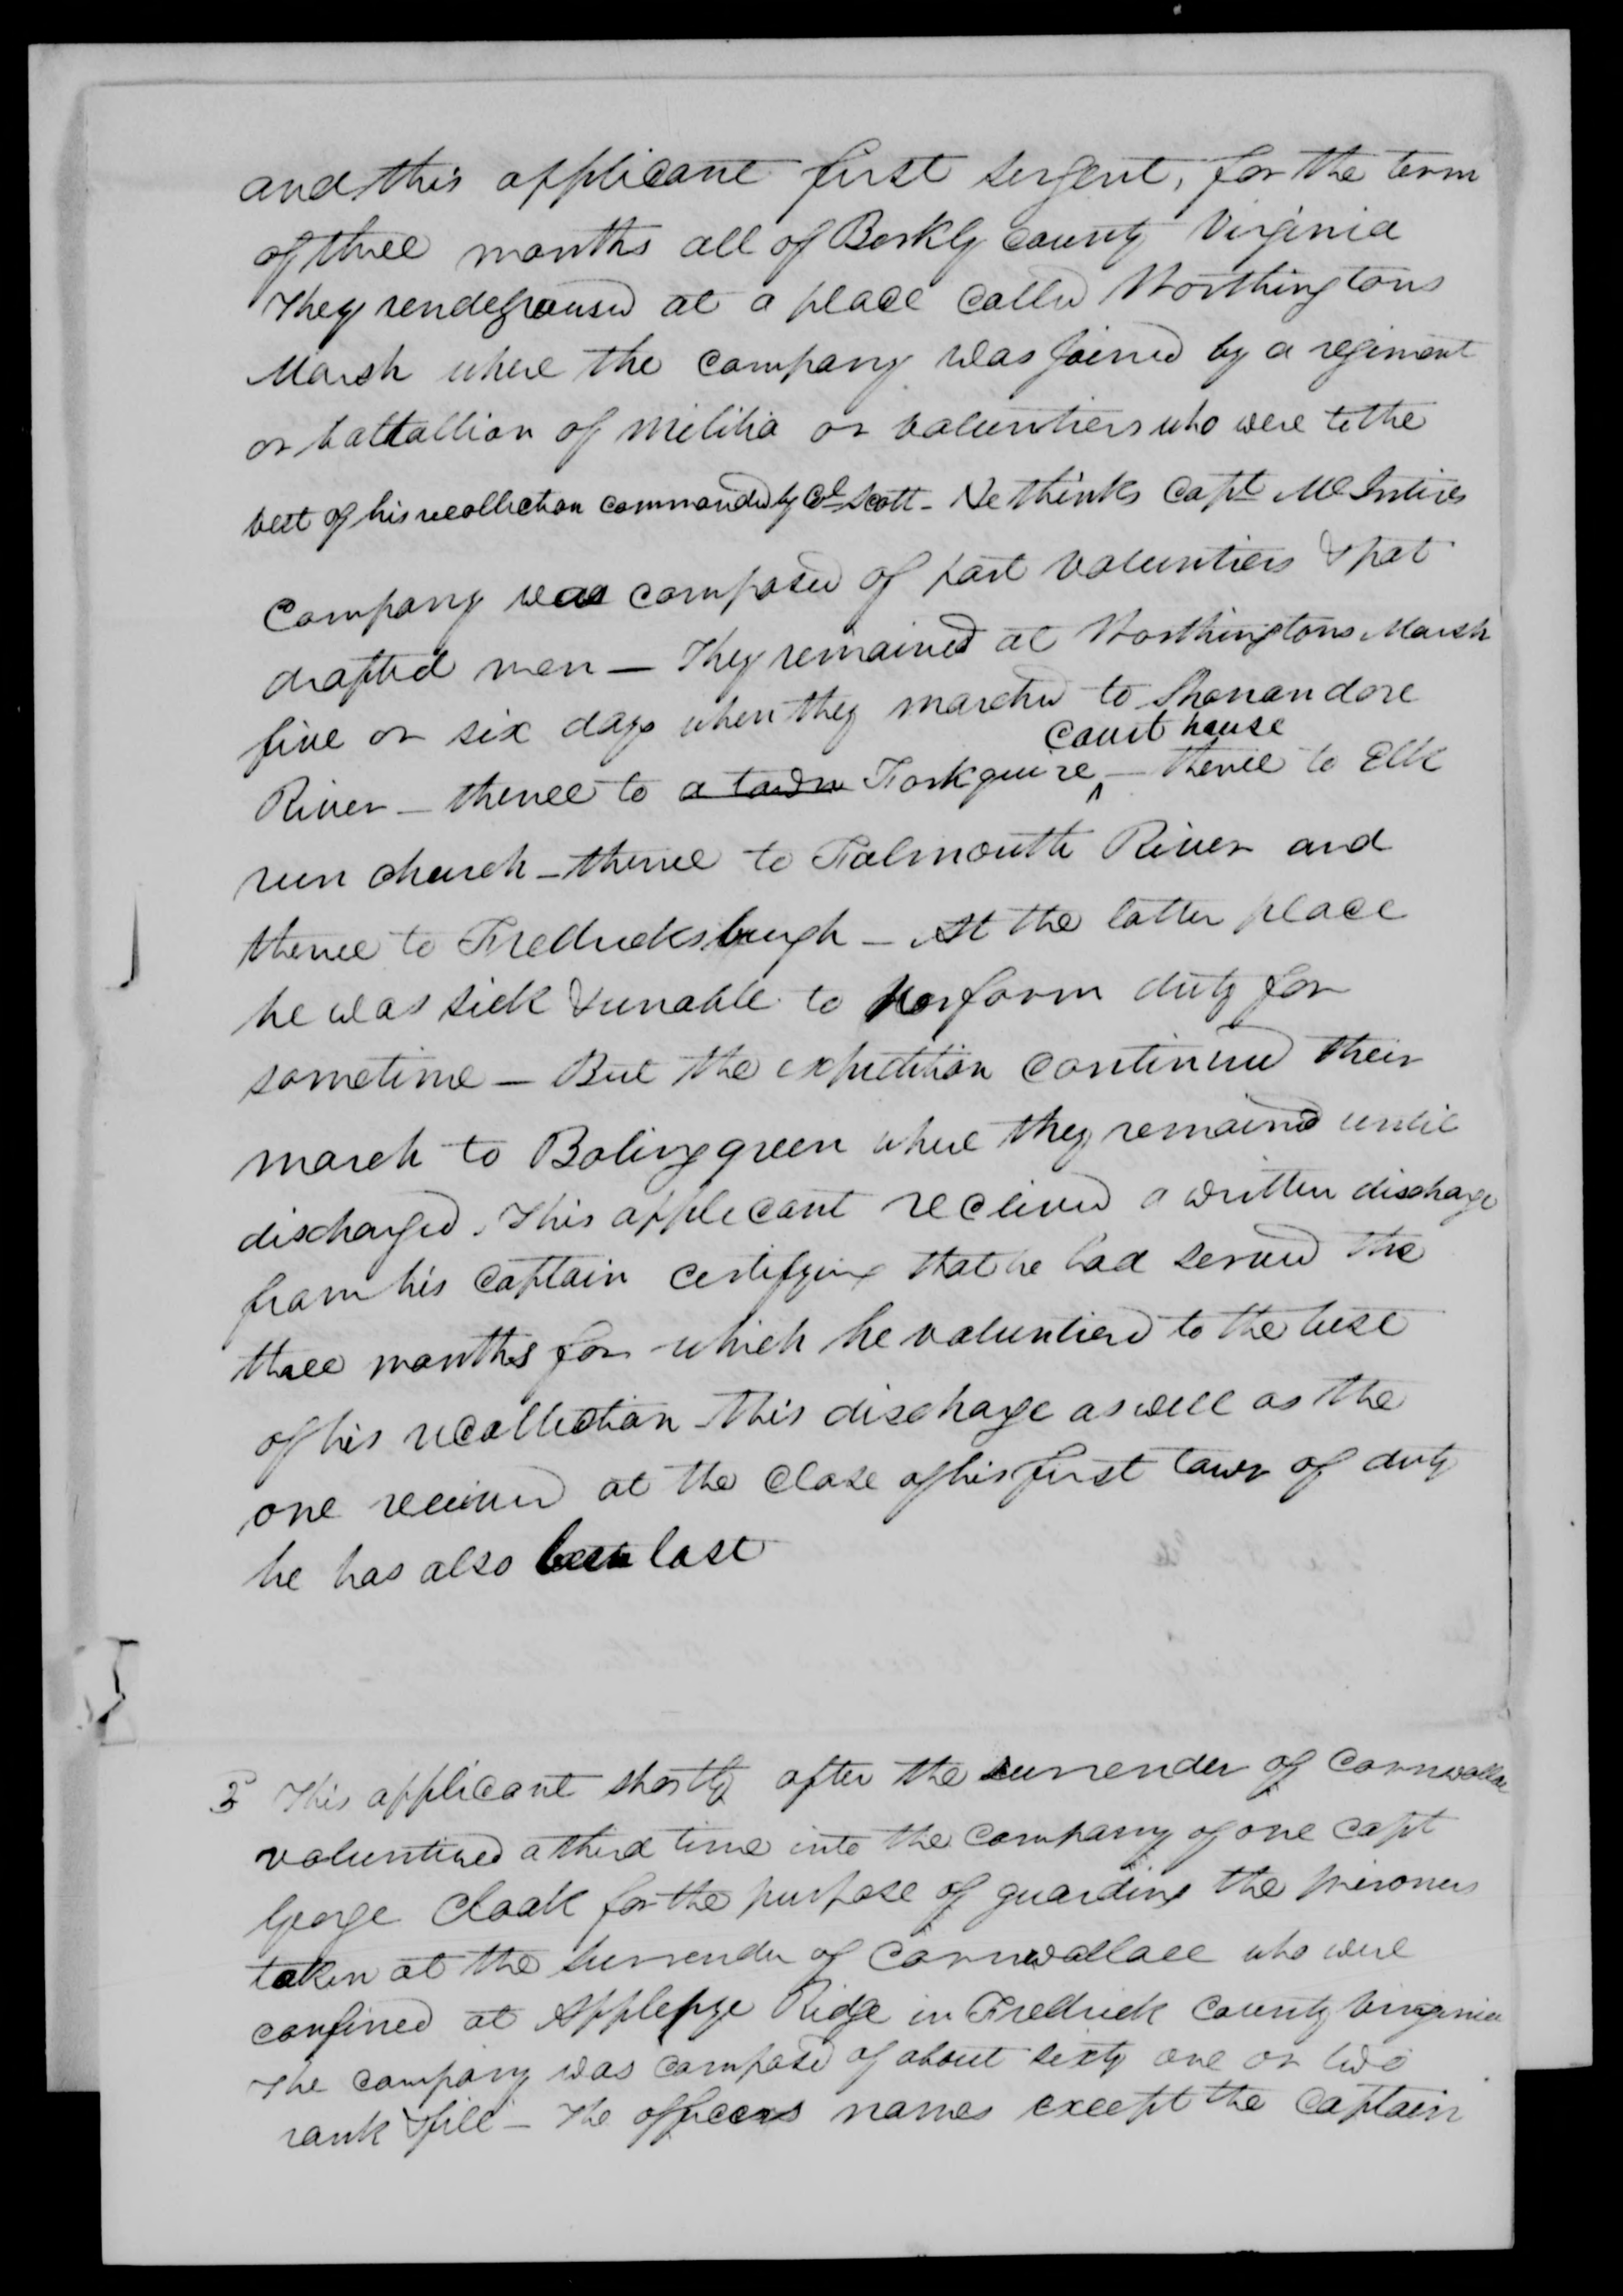and this applicant first sergeant, for the term of three months all of Berkly County Virginia They rendezvoused at a place called Worthingtons Marsh where the company was joined by a regiment or battallion of militia or volunteers who were to the best of his recollection commanded by Col. Scott - He thinks Capt. McIntire's Company was composed of past volunteers & part drafted men - They remained at Worthingtons Marsh five or six days when they marched to Shenandoah River - thence to a town Forkquize Courthouse thence to Elkrun church - thence to Falmouth River and thence to Fredericksburgh - At the latter place he was sick & unable to perform duty for sometime - But the expedition continued their march to Boling green where they remained until discharged. This applicant received a written discharge from his Captain certifying that he had served the three months for which he volunteered to the best of his recollection This discharge as well as the one received at the close of his first tour of duty he has also lost

3d This applicant shortly after the surrender of Cornwallis volunteered a third time into the Company of one Capt George Cloak for the purpose of guarding the prisoners taken at the Surrender of Cornwallace who were confined at the Applepge Ridge in Frederick County Virginia The company was composed of about sixty one or two rank & file - The officers names except the Captain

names: Scott, George Claak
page: 9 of 27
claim: widow's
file: W. 9860, Samuel Torrons, Va.